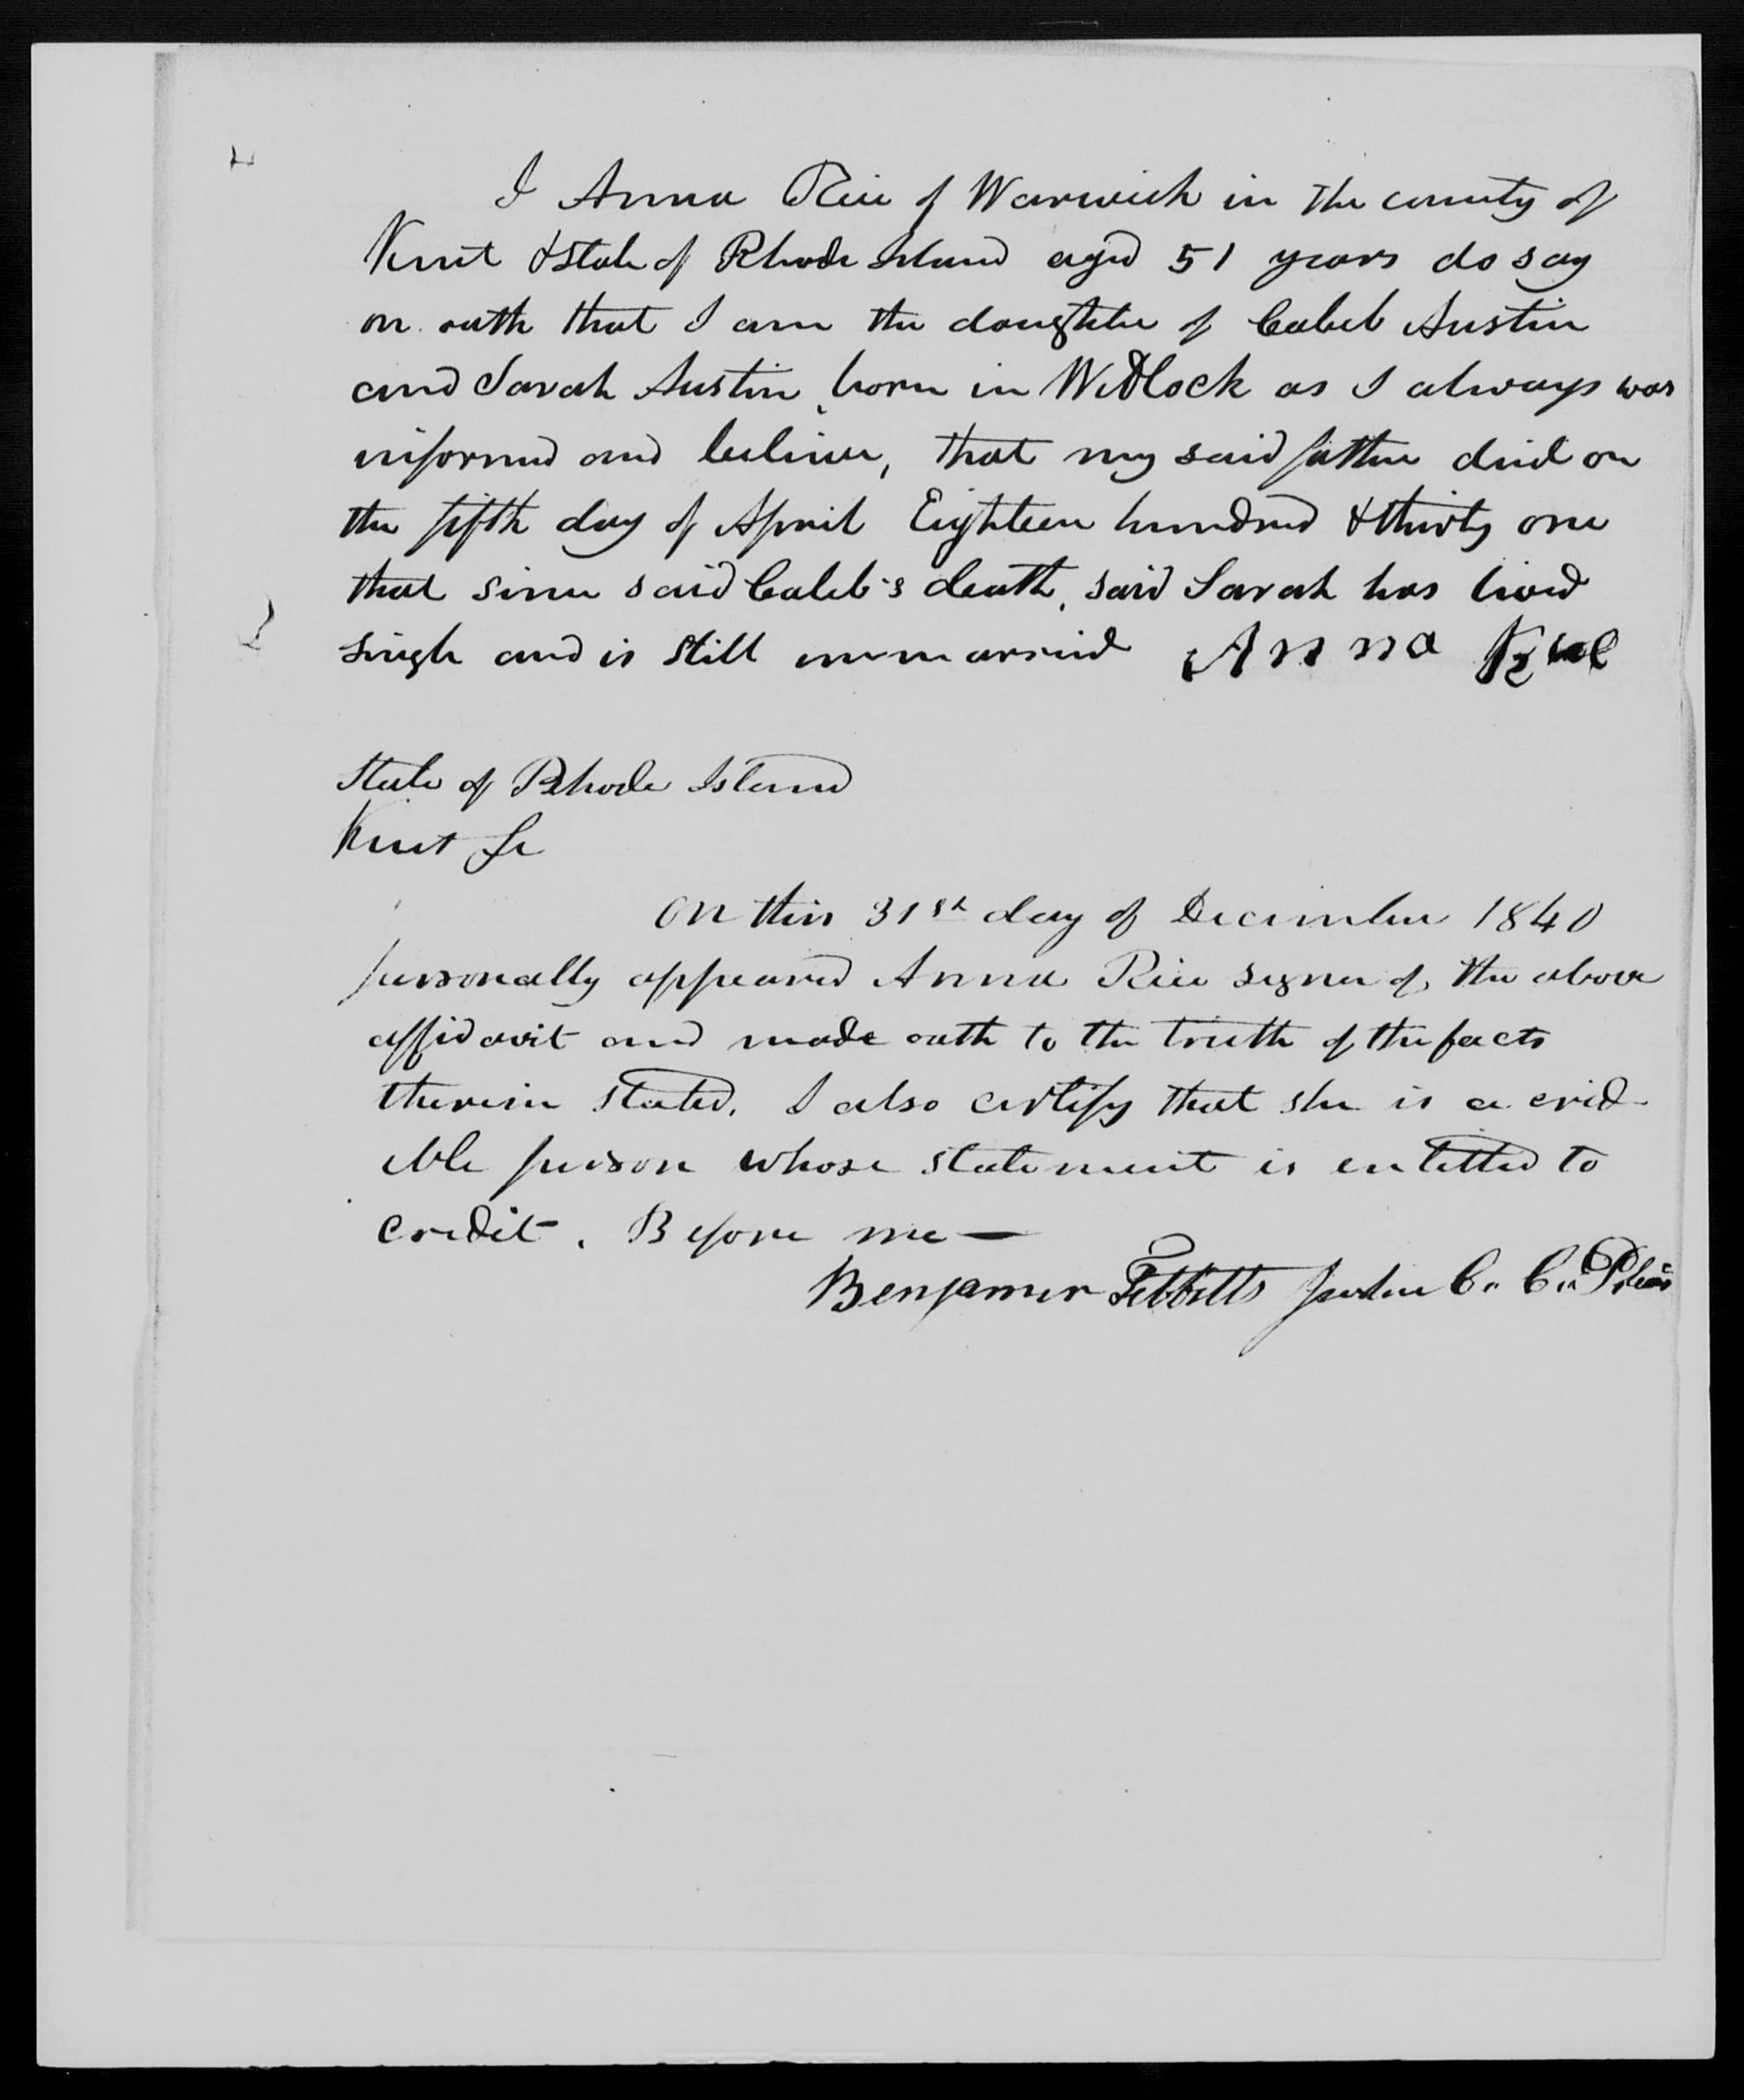I Anna Rice of Warwich in the county of
Kent & State of Rhode Island aged 51 years do say
on oath that I am the daughter of Caleb Austin
and Sarah Austin born in wedlock as I always was
informed and believe that my said father died on
the fifth day of April Eighteen hundred & thirty one
that since said Caleb's death said Sarah has llved
single and is still unmarried     Anna Rice

State of Rhode Island
Kent sc
On this 31st day of December 1840
personally appeared Anna Rice signer of the above
affidavit and made oath to the truth of the facts
therein stated.  I also certify that she is a cred-
ible person whose statement is entitled to
credit.  Before me-
Benjamin Tibbitts Justice C. C. Pleas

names: Sarah Austin, Anna Rice, Caleb, Anna Rice, Anna Rice, Caleb Austin, Sarah, Benjamin Tibbitts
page: 12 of 18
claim: widow's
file: W. 20640, Caleb Austin, R.I.